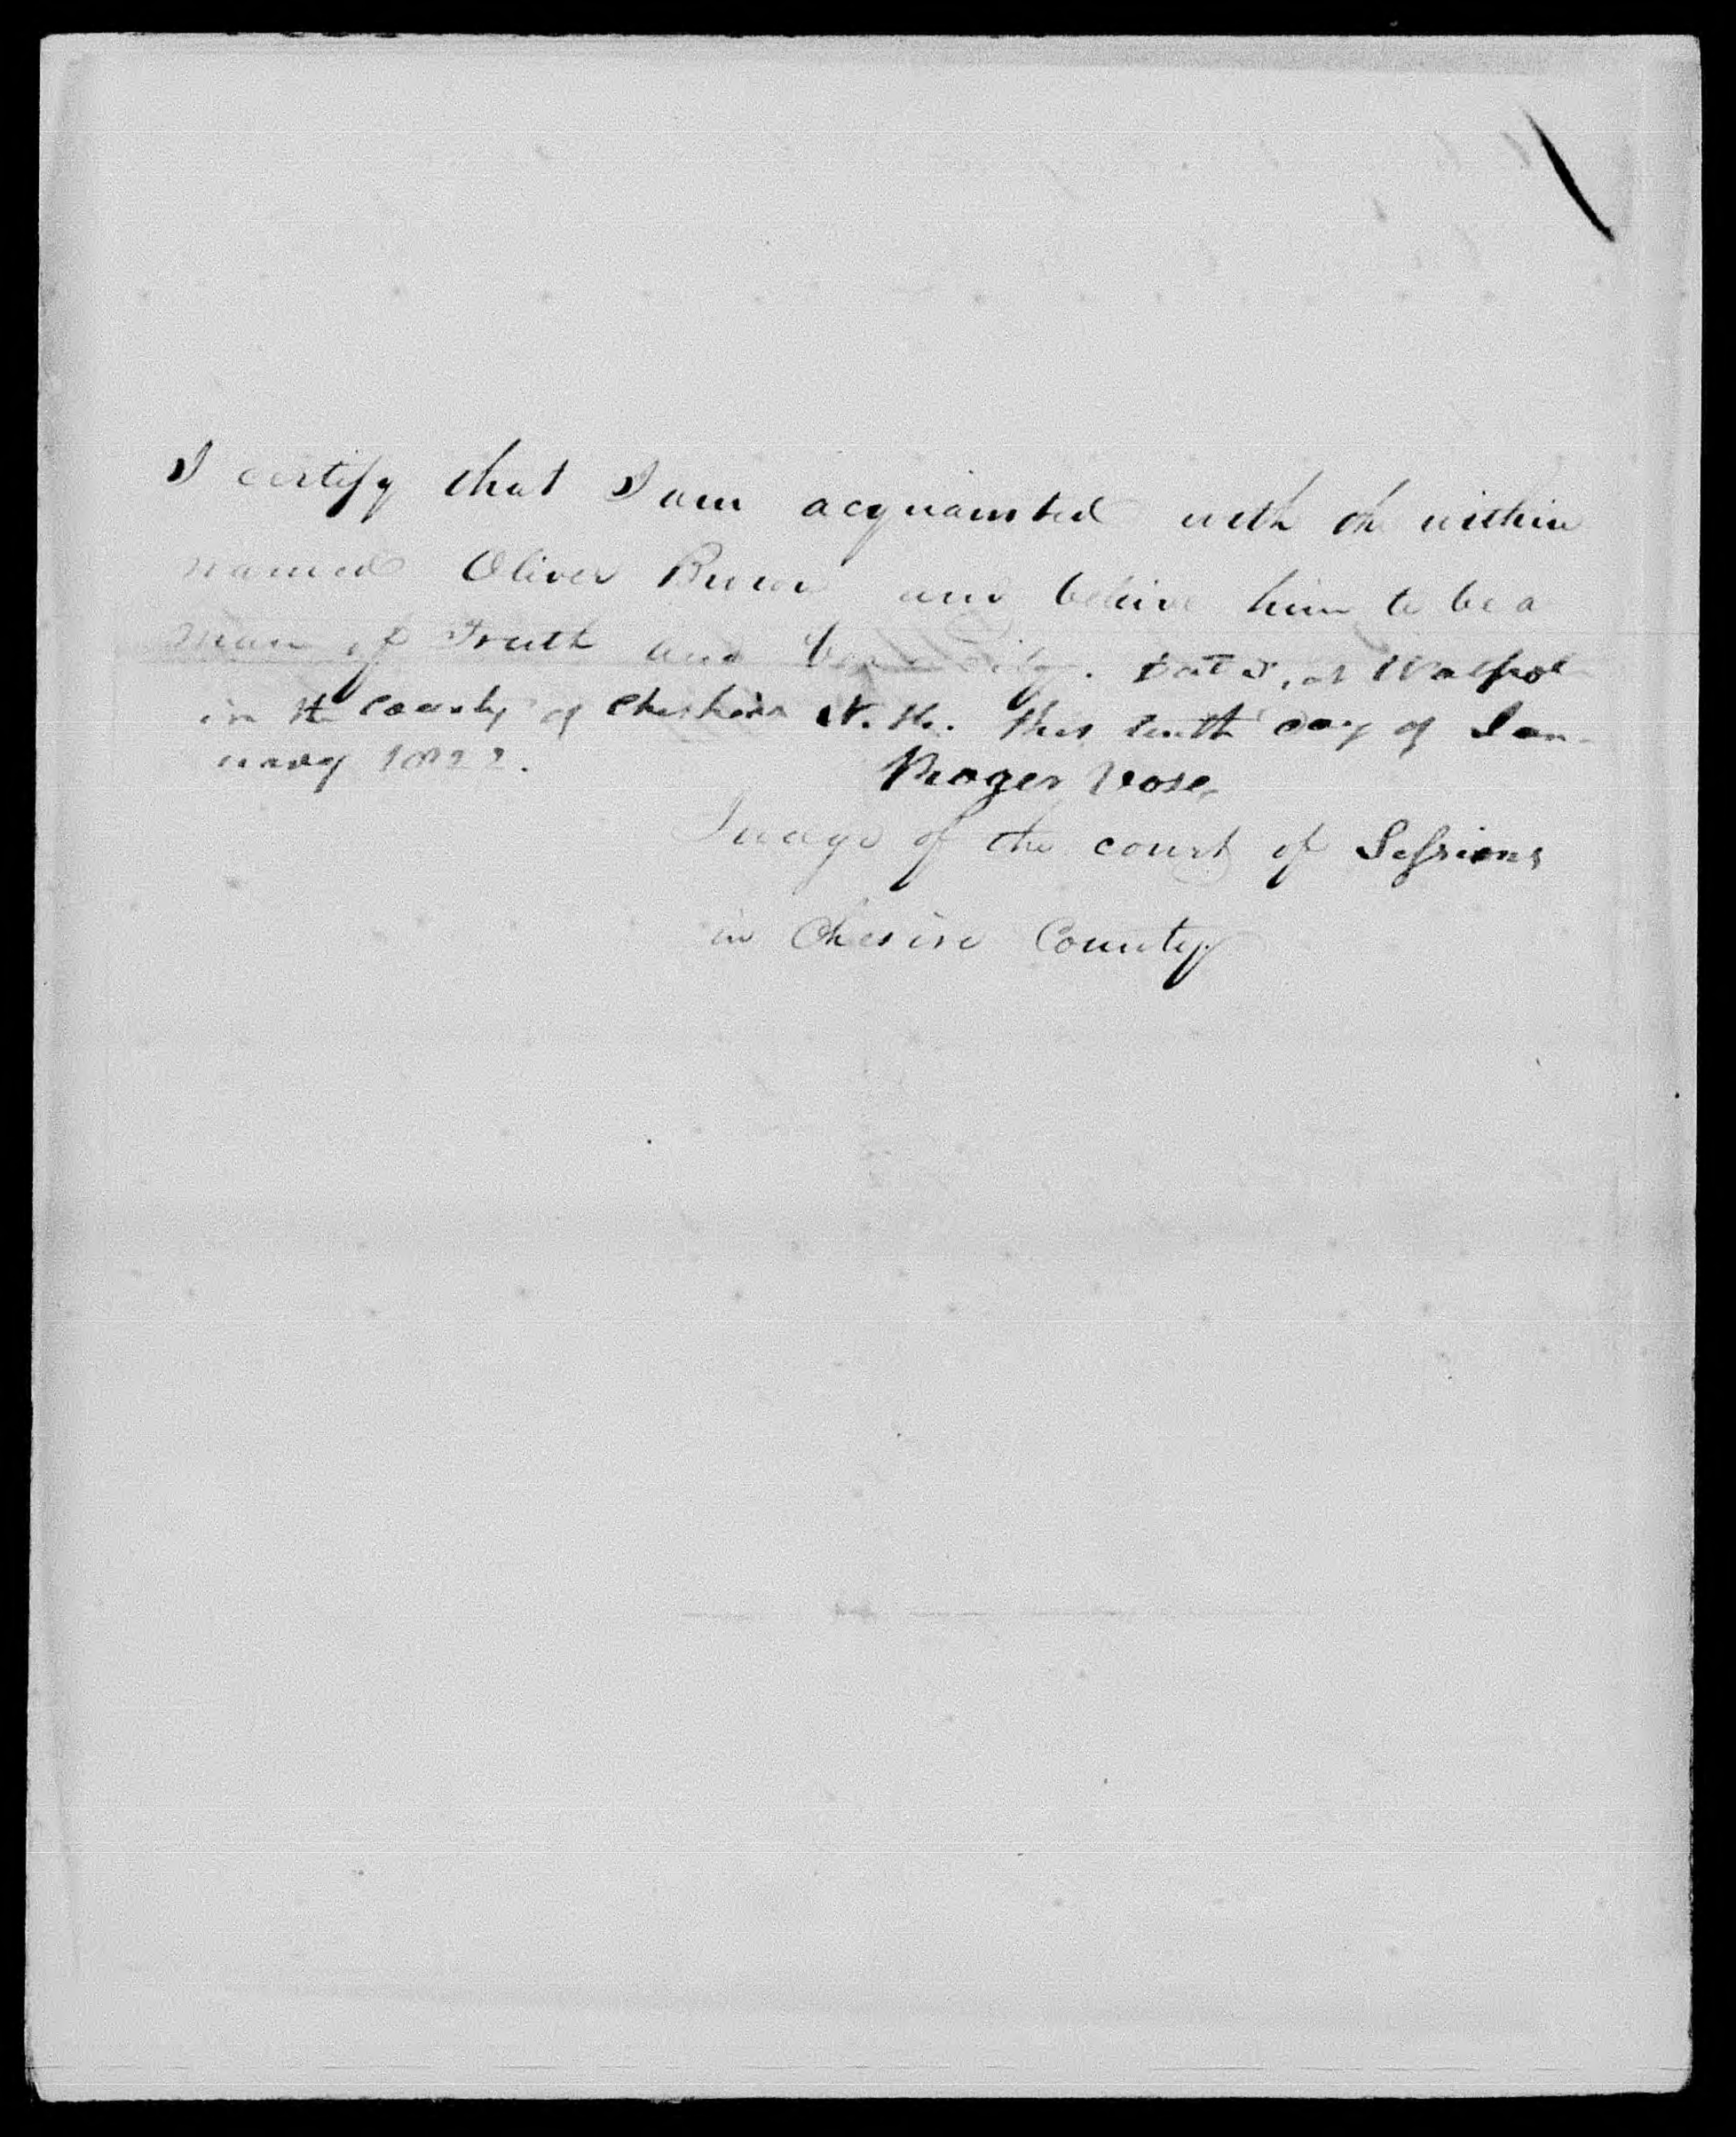I certify that I am acquainted with or within
named Oliver Brown and believe him to be a
man of truth and veracity. of Walpole
in the County of Chesham N.H. this tenth day of January 1922.    Roger Vose
Judge of the Court of Sessions
in Cheshire County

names: Oliver Brown, Roger Vose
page: 21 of 46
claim: widow's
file: W. 23022, Thomas Farr, N.H.